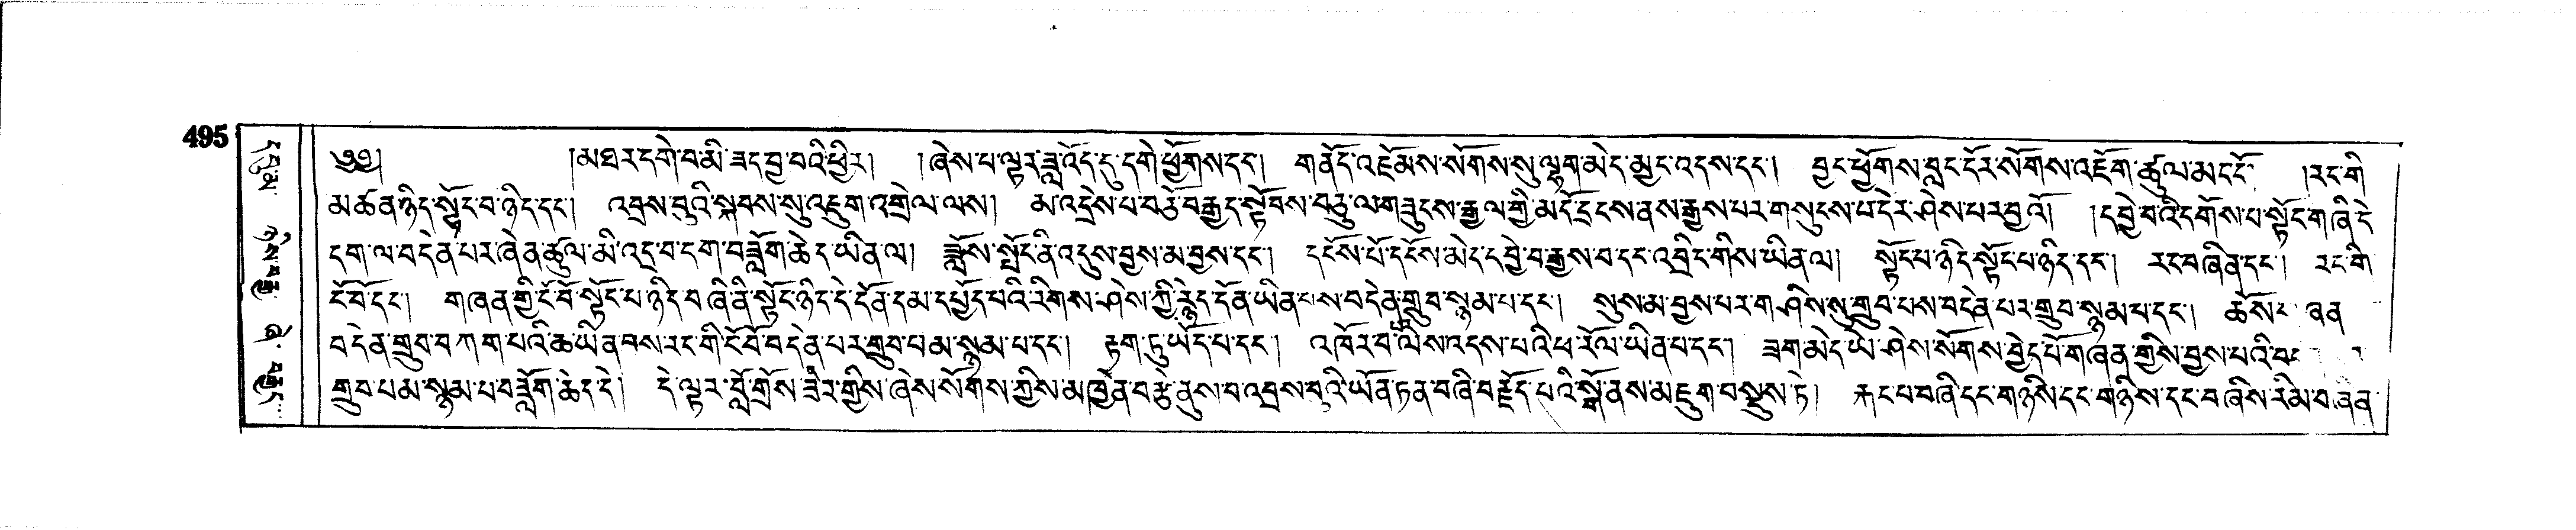༄༅། །མཐར་དགེ་བ་མི་ཟད་བྱ་བའི་ཕྱིར། །ཞེས་པ་ལྟར་ཟླ་འོད་དུ་དགེ་ཕྱོགས་དང་། གནོད་འཇོམས་སོགས་སུ་ལྷག་མེད་མྱང་འདས་དང་། བྱང་ཕྱོགས་བླང་དོར་སོགས་འཇོག་ཚུལ་མང་ངོ། །རང་གི་
མཚན་ཉིད་སྟོང་བ་ཉིད་དང་། འབྲས་བུའི་སྐབས་སུ་འཇུག་འགྲེལ་ལས། མ་འདྲེས་པ་བཅོ་བརྒྱད་སྟོབས་བཅུ་ལ་གཟུངས་རྒྱལ་གྱི་མདོ་དྲངས་ནས་རྒྱས་པར་གསུངས་པ་དེར་ཤེས་པར་བྱའོ། །དབྱེ་བའི་དགོས་པ་སྟོང་གཞི་དེ་
དག་ལ་བདེན་པར་ཞེན་ཚུལ་མི་འདྲ་བ་དག་བཟློག་ཆེད་ཡིན་ལ། ཟློས་སྤོང་ནི་འདུས་བྱས་མ་བྱས་དང་། དངོས་པོ་དངོས་མེད་དབྱེ་བ་རྒྱས་བ་དང་འབྲིང་གིས་ཡིན་ལ། སྟོང་པ་ཉིད་སྟོང་བ་ཉིད་དང་། རང་བཞིན་དང་། རང་གི་
ངོ་བོ་དང་། གཞན་གྱི་ངོ་བོ་སྟོང་པ་ཉིད་བཞི་ནི་སྟོང་ཉིད་དེ་དོན་དམ་དཔྱོད་པའི་རིགས་ཤེས་ཀྱི་རྙེད་དོན་ཡིན་པས་བདེན་པར་གྲུབ་སྙམ་པ་དང་། སུས་མ་བྱས་པར་གཤིས་སུ་གྲུབ་པས་བདེན་པར་གྲུབ་སྙམ་པ་དང་། ཆོས་གཞན་
བདེན་གྲུབ་བཀག་པའི་ཆ་ཡིན་བས་རང་གི་ངོ་བོ་བདེན་པར་གྲུབ་པ་མ་སྙམ་པ་དང་། རྟག་ཏུ་ཡོད་པ་དང་། འཁོར་བ་ལེས་འདས་པའི་ཕ་རོལ་ཡིན་པ་དང་། ཟག་མེད་ཡེ་ཤེས་སོགས་བྱེད་པོ་གཞན་གྱིས་བྱས་པའི་བདེན་པར་
གྲུབ་པམ་སྙམ་པ་བཟློག་ཆེད་དེ། དེ་ལྟར་བློ་གྲོས་ཟེར་གྱིས་ཞེས་སོགས་ཀྱིས་མཁྱེན་བརྩེ་ནུས་བ་འབྲས་བུའི་ཡོན་ཏན་བཞི་བརྗོད་པའི་སྒོ་ནས་མཇུག་བསྡུས་ཏེ། རྐང་པ་བཞི་དང་གཉིས་དང་གཉིས་དང་བཞིས་རིམ་བཞིན་